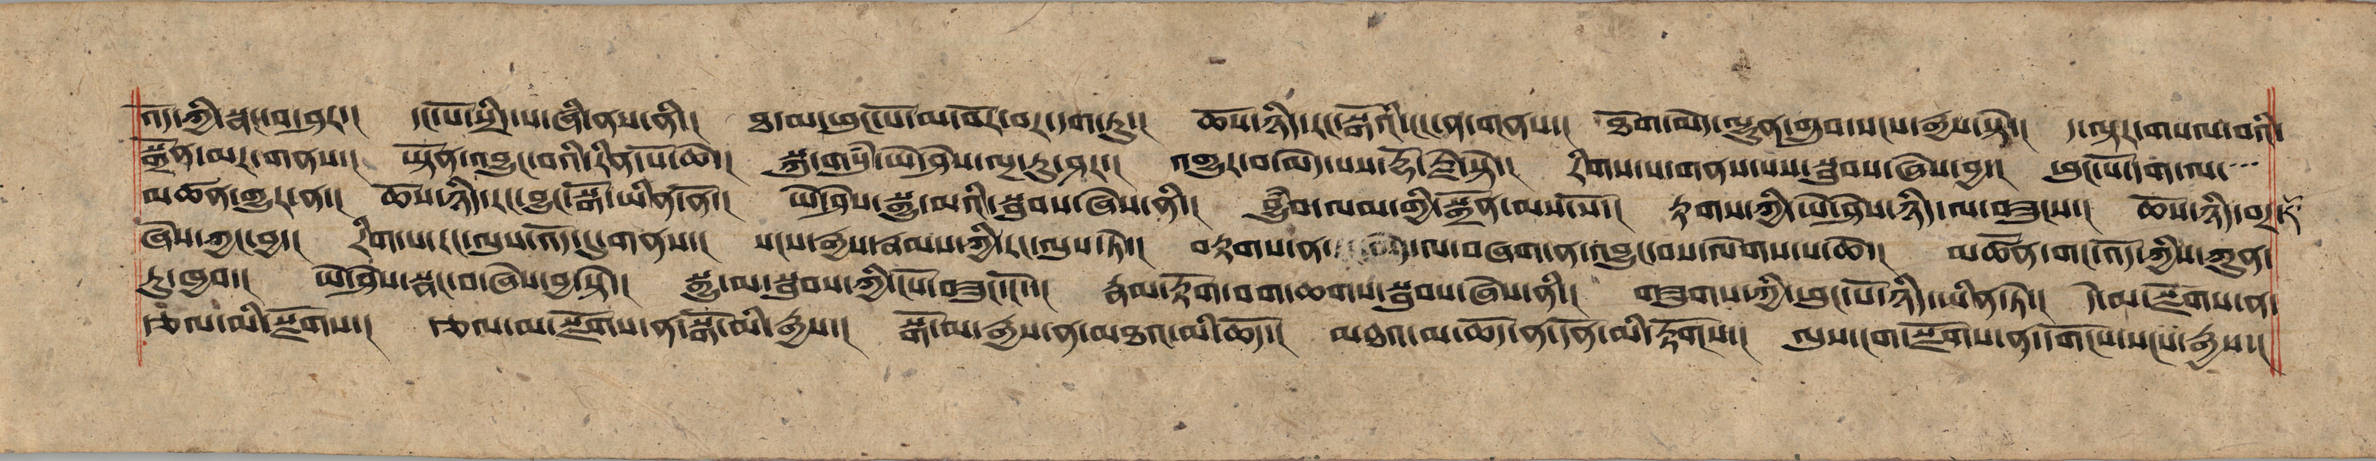འོད་ཀྱི་སྣང་བ་ཤར་། དང་པོ་སྲིད་པ་ཞི་ནས་ནི་། ཐ་མ་ཕུང་པོ་མ་བོར་བར་དག་ཏུ་། ཆོས་ཉིད་རང་སྒོའི་ངང་ཤ་གནས་། ཐོག་མེད་ལྷུན་གྲུབ་སངས་རྒྱས་སྟེ་། ད་ལྟར་གསལ་བའི་
སྒྲོན་མར་གནས་། ཡྟོན་འབྱུང་བའི་རིན་པོ་ཆེ་། སྐུ་གསུཾ་ཡེ་ཤེས་ལྔ་རུ་ཤར་། འགྱུར་བ་མེད་པས་རྡོ་རྗེ་སྟེ་། རིགས་པ་གནས་པས་སྦུབས་ཞེས་བྱ་། ཕུང་པོ་དག་ལ་
མཚན་གྱུར་ན་། ཆོས་ཉིད་རང་བྱུང་སྒོ་ཡིན་ནོ་། ཡེ་ཤེས་སྒྱུ་མའི་སྦུབས་ཞེས་ནི་། བྱུཾབ་ལམ་གྱི་སྒྲོན་མས་སོ་། རྟགས་ཀྱི་ཡེ་ཤེས་ཉིད་ལ་བཟུངས་། ཆོས་ཉིད་བར་དོ་
ཞེས་ཀྱང་བྱ་། རིག་པ་རང་ལུས་འོད་དུ་གནས་། སངས་རྒྱས་རྣམས་ཀྱི་རང་ལུས་ཏེ་། བརྟགས་ན་ མེད་ལ་བཞག་ན་འབྱུང་བས་ལེགས་པ་ཆེ་། མཚོན་གང་འོད་ཀྱིས་ཀུན་
ཏུ་ཁྱབ་། ཡེ་ཤེས་སྣང་བ་ཞེས་བྱ་སྟེ་། སྒྱུ་མ་སྦུབས་ཀྱི་ངོས་བཟུང་ངོ་་། རྣམ་རྟོག་བག་ཆགས་སྦུབས་ཞེས་ནི་། གཟུགས་ཀྱི་ཕུང་པོ་ཉིད་ཡིན་ཏེ་། དེ་ལ་སྫོགས་ན་
རྩལ་མི་སྫོགས་། རྩལ་མ་སྫོགས་ན་སྒོ་མི་རྒྱས་། སྒོ་མ་རྒྱས་ན་མཐའ་མི་ཆོད་། མཐའ་མ་ཆོད་ན་དོན་མི་རྟོགས་། ལུས་ངག་སྫོགས་ན་དགོངས་སངས་རྒྱས་།